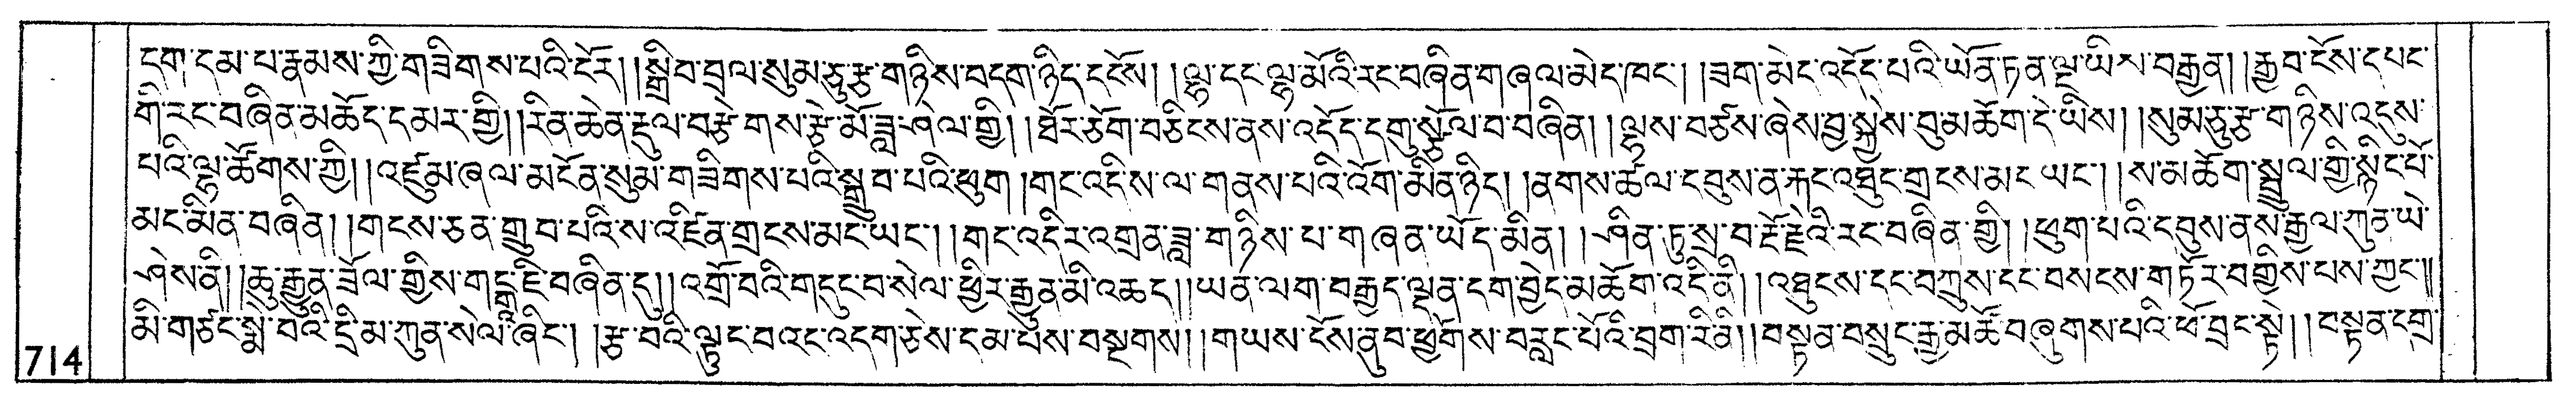དག་དམ་པ་རྣམས་ཀྱི་གཟིགས་པའི་ངོར། །སྒྲིབ་བྲལ་སུམ་ཅུ་རྩ་གཉིས་བདག་ཉིད་དངོས། །ལྷ་དང་ལྷ་མོའི་རང་བཞིན་གཞལ་མེད་ཁང་། །ཟག་མེད་འདོད་པའི་ཡོན་ཏན་ལྔ་ཡིས་བརྒྱན། །རྒྱབ་ངོས་དཔང་
གི་རང་བཞིན་མཆོད་དམར་གྱི། །རིན་ཆེན་རྡུལ་བརྩེགས་རྩེ་མོ་ཟླ་ཤེལ་གྱི། །ཐོར་ཅོག་བཅིངས་ནས་འདོད་དགུ་སྩོལ་བ་བཞིན། །ལྷས་བཙས་ཞེས་བྱ་སྐྱེས་བུ་མཆོག་དེ་ཡིས། །སུམ་ཅུ་རྩ་གཉིས་འདུས་
པའི་ལྷ་ཚོགས་ཀྱི། །འཛུམ་ཞལ་མངོན་སུམ་གཟིགས་པའི་སྒྲུབ་པའི་ཕུག །གང་འདི་ས་ལ་གནས་པའི་འོག་མིན་ཉིད། །ནགས་ཚལ་དབུས་ན་རྐང་འཐུང་གྲངས་མང་ཡང་། །ས་མཆོག་སྦྲུལ་གྱི་སྙིང་པོ་
མང་མིན་བཞིན། །གངས་ཅན་གྲུབ་པའི་ས་འཛིན་གྲངས་མང་ཡང་། །གང་འདིར་འགྲན་ཟླ་གཉིས་པ་གཞན་ཡོད་མིན། །ཤིན་ཏུ་སྲ་བ་རྡོ་རྗེའི་རང་བཞིན་གྱི། །ཕུག་པའི་དབུས་ནས་རྒྱལ་ཀུན་ཡེ་
ཤེས་ནི། །ཆུ་རྒྱུན་ཟོལ་གྱིས་གངྒཱ་ཇི་བཞིན་དུ། །འགྲོ་བའི་གདུང་བ་སེལ་ཕྱིར་རྒྱུན་མི་འཆད། །ཡན་ལག་བརྒྱད་ལྡན་དག་བྱེད་མཆོག་འདི་ནི། །འཐུངས་དང་བཀྲུས་དང་བསངས་གཏོར་བགྱིས་པས་ཀྱང་། །
མི་གཙང་སྨེ་བའི་དྲི་མ་ཀུན་སེལ་ཞིང་། །རྩ་བའི་ལྟུང་བའང་འདག་ཅེས་དམ་པས་བསྔགས། །གཡས་ངོས་ནུབ་ཕྱོགས་བརླང་པོའི་བྲག་རི་ནི། །བསྟན་བསྲུང་རྒྱ་མཚོ་བཞུགས་པའི་ཕོ་བྲང་སྟེ། །བསྟན་དགྲ་